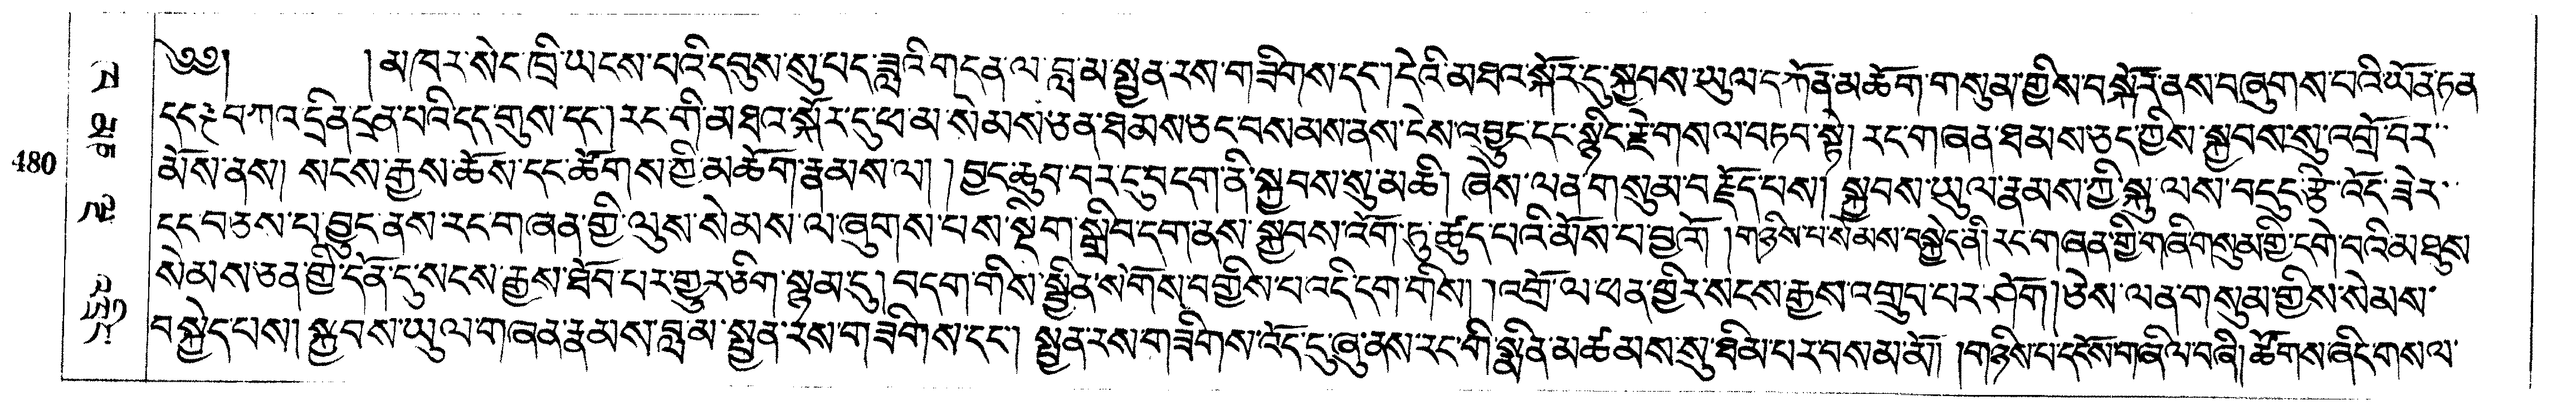༄༅། །མཁར་སེང་ཁྲི་ཡངས་པའི་དབུས་སུ་པད་ཟླའི་གདན་ལ་བླ་མ་སྤྱན་རས་གཟིགས་དང་། དེའི་མཐའ་སྐོར་དུ་སྐྱབས་ཡུལ་དཀོན་མཆོག་གསུམ་གྱིས་བསྐོར་ནས་བཞུགས་པའི་ཡོན་ཏན་
དང༑ བཀའ་དྲིན་དྲན་པའི་དད་གུས་དང་། རང་གི་མཐའ་སྐོར་དུ་ཕ་མ་སེམས་ཅན་ཐམས་ཅད་བསམས་ནས་ངེས་འབྱུང་དང་སྙིང་རྗེ་གསལ་བཏབ་སྟེ། རང་གཞན་ཐམས་ཅད་ཀྱིས་སྐྱབས་སུ་འགྲོ་བར་
མོས་ནས། སངས་རྒྱས་ཆོས་དང་ཚོགས་ཀྱི་མཆོག་རྣམས་ལ། །བྱང་ཆུབ་བར་དུ་བདག་ནི་སྐྱབས་སུ་མཆི། ཞེས་ལན་གསུམ་བརྗོད་པས། སྐྱབས་ཡུལ་རྣམས་ཀྱི་སྐུ་ལས་བདུད་རྩི་འོད་ཟེར་
དང་བཅས་པ་བྱུང་ནས་རང་གཞན་གྱི་ལུས་སེམས་ལ་ཞུགས་པས་སྡིག་སྒྲིབ་དག་ནས་སྐྱབས་འོག་ཏུ་ཚུད་པའི་མོས་པ་བྱའོ། ། གཉིས་པ་སེམས་བསྐྱེད་ནི། རང་གཞན་གྱི་གཞི་གསུམ་གྱི་དགེ་བའི་མཐུས་
སེམས་ཅན་གྱི་དོན་དུ་སངས་རྒྱས་ཐོབ་པར་གྱུར་ཅིག་སྙམ་དུ། བདག་གིས་སྦྱིན་སོགས་བགྱིས་པ་འདི་དག་གིས། །འགྲོ་ལ་ཕན་ཕྱིར་སངས་རྒྱས་འགྲུབ་པར་ཤོག །ཅེས་ལན་གསུམ་གྱིས་སེམས་
བསྐྱེད་པས། སྐྱབས་ཡུལ་གཞན་རྣམས་བླ་མ་སྤྱན་རས་གཟིགས་དང་། སྤྱན་རས་གཟིགས་འོད་དུ་ཞུ་ནས་རང་གི་སྨིན་མཚམས་སུ་ཐིམ་པར་བསམ་མོ། །གཉིས་པ་ཐིམ་པར་བསམ་མོ། །གཉིས་པ་དངོས་གཞི་ལ་བཞི། ཚོགས་ཞིང་